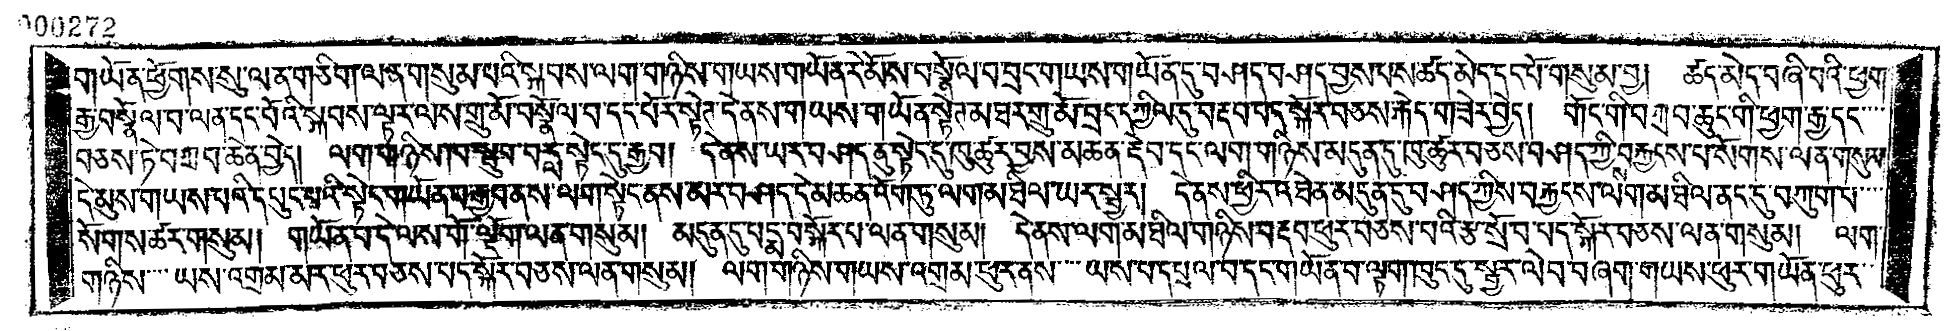གཡོན་ཕྱོགས་སུ་ལན་གཅིག་ལན་གསུམ་པའི་སྐབས་ལག་གཉིས་གཡས་གཡོན་རེ་མོས་བསྣོལ་བ་བྲང་གཡས་གཡོན་དུ་བཤད་བཤད་བྱས་པས་ཚད་མེད་དང་པོ་གསུམ་བྱ། ཚད་མེད་བཞི་བའི་ཕྱག་
རྒྱ་བསྣོལ་བ་ལན་དང་པོའི་སྐབས་ལྟར་ལས་གྲུ་མོ་བསྣོལ་བ་དང་པོར་སྟེགས་དེ་ནས་གཡས་གཡོན་སྟེགས་མཐར་གྲུ་མོ་བྲང་དཀྱིལ་དུ་བརྡབ་བད་སྐོར་བཅས་རྐེད་གཟེར་བྱེད། གོང་གི་བཀྲབ་ཆུང་གི་ཕྱག་རྒྱ་དང་
བཅས་ཏེ་བཀྲབ་ཆེན་བྱེད། ལག་གཉིས་ཁ་སྦུབ་བརླ་སྟེང་དུ་རྒྱབ། དེ་ནས་ཡར་བཤད་ནུ་སྟེང་དུ་ཁུ་ཚུར་བྱས་མཆན་རྡེབ་དང་ལག་གཉིས་མདུན་དུ་ཁུ་ཚུར་བཅས་བཤད་ཀྱིས་བརྐྱངས་པ་སོགས་ལན་གསུམ་
དེ་མུས་གཡས་པའི་དཔུང་པའི་སྟེང་གཡོན་པ་རྒྱབ་ནས་ལག་སྟེང་ནས་མར་བཤད་དེ་མཆན་འོག་ཏུ་ལག་མཐིལ་ཡར་སྦྱར། དེ་ནས་ཕྱིར་འཐེན་མདུན་དུ་བཤད་ཀྱིས་བརྐྱངས་ལག་མཐིལ་ནང་དུ་བཀུག་པ་
སོགས་ཚར་གསུམ། གཡོན་པ་དེ་ལས་གོ་ལྡོག་ལན་གསུམ། མདུན་དུ་པདམ་བསྐོར་པ་ལན་གསུམ། དེ་ནས་ལག་མཐིལ་གཉིས་བརྡབ་ཕུར་བཅས་པའི་རྩ་སྲོ་བ་པད་སྐོར་བཅས་ལན་གསུམ། ལག་
གཉིས་ཡས་འགྲམ་མར་ཕུར་བཅས་པད་སྐོར་བཅས་ལན་གསུམ། ལག་གཉིས་གཡས་འགྲམ་ཕུར་ནས་ཡས་པ་དཔྲལ་བ་དང་གཡོན་པ་ལྟག་ཁུང་དུ་སྦྱར་ལེབ་བཞག་གཡས་ཕུར་གཡོན་ཕུར་